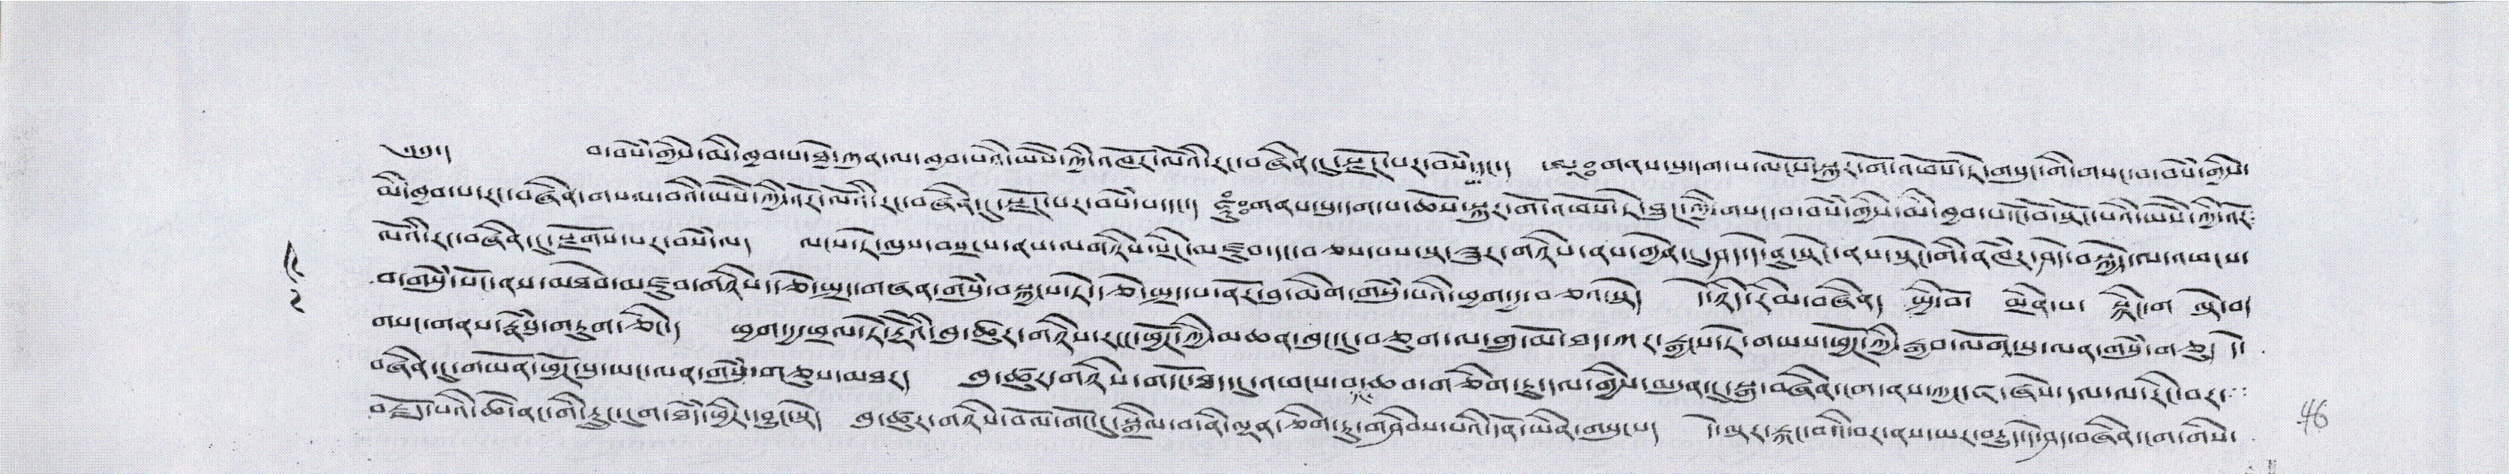བ་བསམ་གྱིས་མི་ཁྱབ་པ་ཐུགས་རྗེ་ཀུན་ལ་ཁྱབ་པའི་ཡེ་ཤེས་ཀྱི་འཁོར་ལོའི་རང་བཞིན་དུ་རྫོགས་པར་བསམ་པ་དང་། ཨཱཿགནས་སུ་དག་པ་ལོངས་སྐུར་གོ་འཕོས་ཏེ་གསུང་གི་གསང་བ་བསམ་བསམ་གྱིས་
མི་ཁྱབ་པ་རང་བཞིན་གསལ་བའི་ཡེ་ཤེས་ཀྱི་འཁོར་ལོའི་རང་བཞིན་དུ་རྫོགས་པར་བསམ་པ་དང་། ཧཱུཾཿགནས་ལུགས་དག་པ་ཆོས་སྐུར་གོ་འཕོས་ཏེ་ཐུགས་ཀྱི་གསང་བ་བསམ་གྱི་མི་ཁྱབ་པའི་ངོ་བོ་སྟོང་པའི་ཡེ་ཤེས་ཀྱི་འཁོར་
ལོའི་རང་བཞིན་དུ་རྫོགས་པར་བསམ་ལ། ལངས་ཏེ་ལུས་བསྲང་ནས་ལག་གཉིས་སྡིགས་མཛུབ་དང་བཅས་པས་སྟ་ཟུར་གཉིས་ནས་གྱེན་དུ་ཤད་དེ་ནུ་སྟེང་ནས་སྟེང་གི་ནམ་མཁར་ཤད་བསྐྱེད་ལ་འཕངས་
བ་གསུམ་སོང་ནས་མཐེབ་མཛུབ་གཉིས་རྩེ་སྤྲད་གཞན་གསུམ་བསྐྱངས་ཏེ། རྩེ་སྤྲད་པ་ནོར་བུ་མིག་གསུམ་པའི་ཕྱག་རྒྱ་བཅའ་སྟེ། དེ་ཉིད་རིམ་བཞིན་སྤྱི་བོ་མགྲིན་པ་སྙིང་ག་ལྟེ་བ་
གསང་གནས་རྣམས་སུ་གཏུག་ཅིང་ཕྱག་རྒྱ་ཕྲལ་ཏེ་རྡོ་རྗེའི་ཁུ་ཚུར་གཉིས་རང་རང་ཕྱོགས་ཀྱི་མཆན་ཁུང་དུ་བཅུག་ལ་གྲུ་མོ་ཐད་ཀར་རྒྱངས་ཏེ་གཡས་ཕྱོགས་ཀྱི་རྒྱབ་ལོགས་སུ་ལན་གསུམ་གཅུ། དེ་
བཞིན་དུ་གཡོན་ཕྱོགས་སུའང་ལན་གསུམ་གཅུས་མཐར། ཁུ་ཚུར་གཉིས་གདོང་ཐད་དུ་འཕངས་པ་དང་ཆབས་ཅིག་ཏུ་དལ་གྱིས་མདུན་དུ་རྒུ་བཞིན་ངག་ནས་ཀྱང་ཧ་ཞེས་དལ་ལ་རིང་བར་
བརྗོད་པའི་ཚེ་ནང་གི་རླུང་དུག་ཐམས་ཅད་ཕྱིར་དབྱུང་སྟེ། ཁུ་ཚུར་གཉིས་བོལ་གོང་དུ་བསྒྲིལ་བ་ནི་ལན་ཅིག་ཏུ་གཤིབས་པའི་དོན་ཡིན་གསུངས། དེ་ལྟར་རྐང་པའི་བར་ནས་ཡར་རྒྱུད་དེ་ཤད་བཞིན་ངག་གིས་